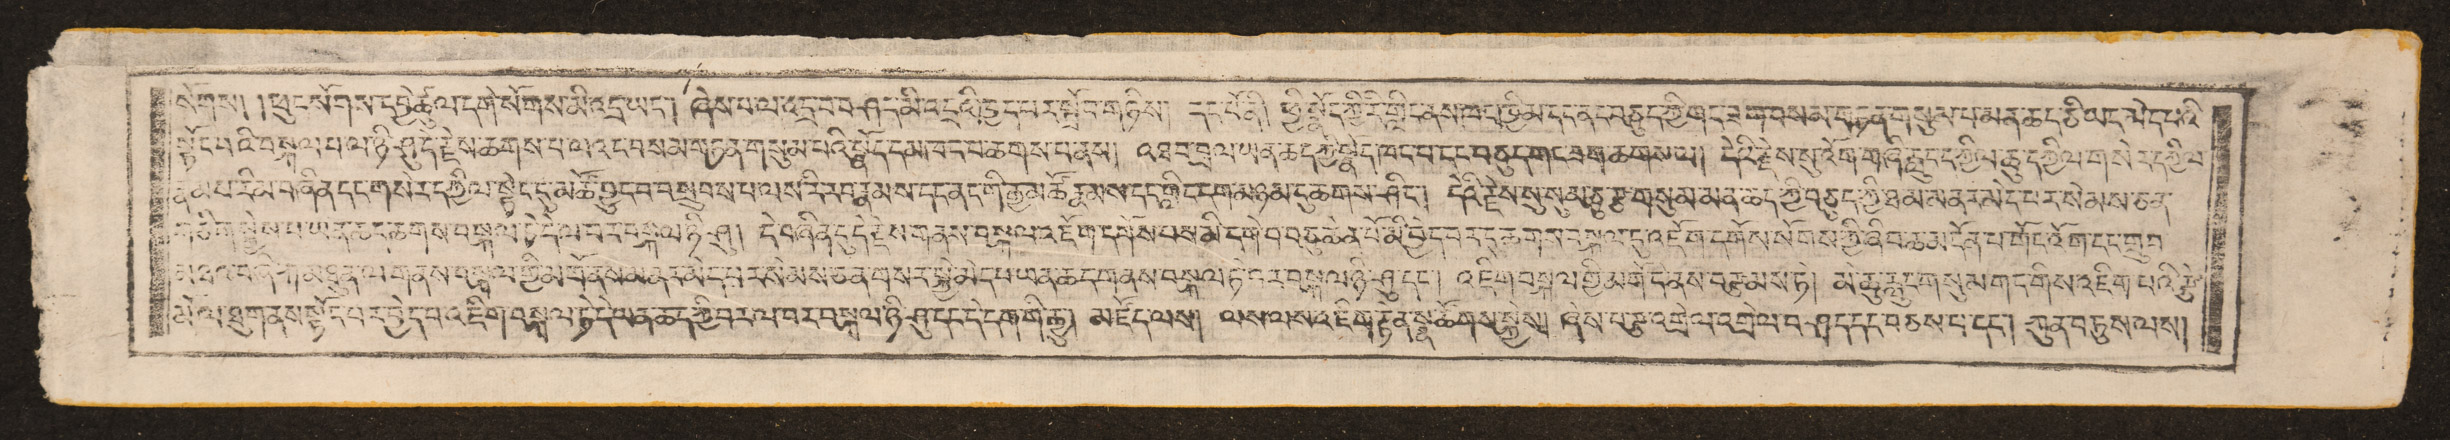སོགས། །ཕུང་སོགས་དབྱེ་ཚུལ་དགེ་སོགས་མི་འདྲ་ཡང་། ཞེས་པ་ལ་འདྲ་བ་བཤད་མི་འདྲའི་ཁྱད་པར་སྤྲོད་གཉིས། དང་པོ་ནི། ཕྱི་སྣོད་ཀྱི་རི་གླིང་ནས་ཁང་ཁྱིམ་དང་ནང་བཅུད་ཀྱི་གང་ཟག་བསམ་གཏན་གསུམ་པ་མན་ཆད་ཅི་ཡང་མེད་པའི་
སྟོང་པའི་བསྐལ་བ་ལ་ཉི་ཤུ་དེ་རྗེས་ཆགས་པ་ལའང་བསམ་གཏན་གསུམ་པའི་སྣོད་དམ་ཁང་བ་ཆགས་པ་ནས། འཐབ་བྲལ་ཡན་ཆད་ཀྱི་སྣོད་ཁང་བ་དང་བཅུད་གང་ཟག་ཆགས་ལ། དེའི་རྗེས་སུ་འོག་གཞི་རླུང་དཀྱིལ་ཆུ་དཀྱིལ་གསེར་དཀྱིལ་
རྣམས་རིམ་བཞིན་དང་གསར་དཀྱིལ་སྟེང་དུ་མཚོ་བྱུང་བ་བསྲུབས་པ་ལས་རི་རབ་རྣམས་དང་ནང་གི་རྒྱ་མཚོ་རྣམས་དང་གླིང་དག་མཉམ་དུ་ཆགས་ཤིང་། དེའི་རྗེས་སུ་སུམ་ཅུ་རྩ་གསུམ་མན་ཆད་ཀྱི་བཅུད་ཀྱི་ཐམ་མནར་མེད་པར་སེམས་ཅན་
གཅིག་སྒྱེས་པ་ཡན་ཆད་ཆགས་བསྐལ་ཏེ་དེ་ལ་བར་བསྐལ་ཉི་ཤུ། དེ་བཞིན་དུ་དེ་རྗེས་གནས་བསྐལ་འཇོག་དགོས་པས་མི་དགེ་བ་བཅུ་ཆེན་པོ་མི་བྱེད་པར་དུ་ཆགས་བསྐལ་དུ་འཇོག་དགོས་སོགས་ཀྱི་ཞིབ་ཆ་མངོན་པ་གོང་འོག་དང་གྲུབ་
མཐའ་བཞི་ཀ་མཐུན་ལ་གནས་བསྐལ་གྱི་མགོ་ནས་མནར་མེད་པར་སེམས་ཅན་གསར་སྐྱེ་མེད་པ་ཡན་ཆད་གནས་བསྐལ་ཏེ་བར་བསྐལ་ཉི་ཤུ་དང་། འཇིག་བསྐལ་གྱི་མགོ་དེ་ནས་བརྩམས་ཏེ། མེ་ཆུ་ཆུང་གསུམ་གང་གིས་འཇིག་པའི་རྩེ་
མེ་ལ་ཐུག་ནས་སྟོང་པར་བྱེད་པ་འཇིག་བསྐལ་ཏེ་དེ་ཡན་ཆད་ཀྱི་བར་ལ་བར་བསྐལ་ཉི་ཤུ་དང་དེ་དག་གི་རྒྱུ། མཛོད་ལས། ལས་ལས་འཇིག་རྟེན་སྣ་ཚོགས་སྐྱེས། ཞེས་བརྩ་འགྲེལ་འགྲེལ་བཤད་དང་བཅས་པ་དང་། ཀུན་བཏུས་ལས།